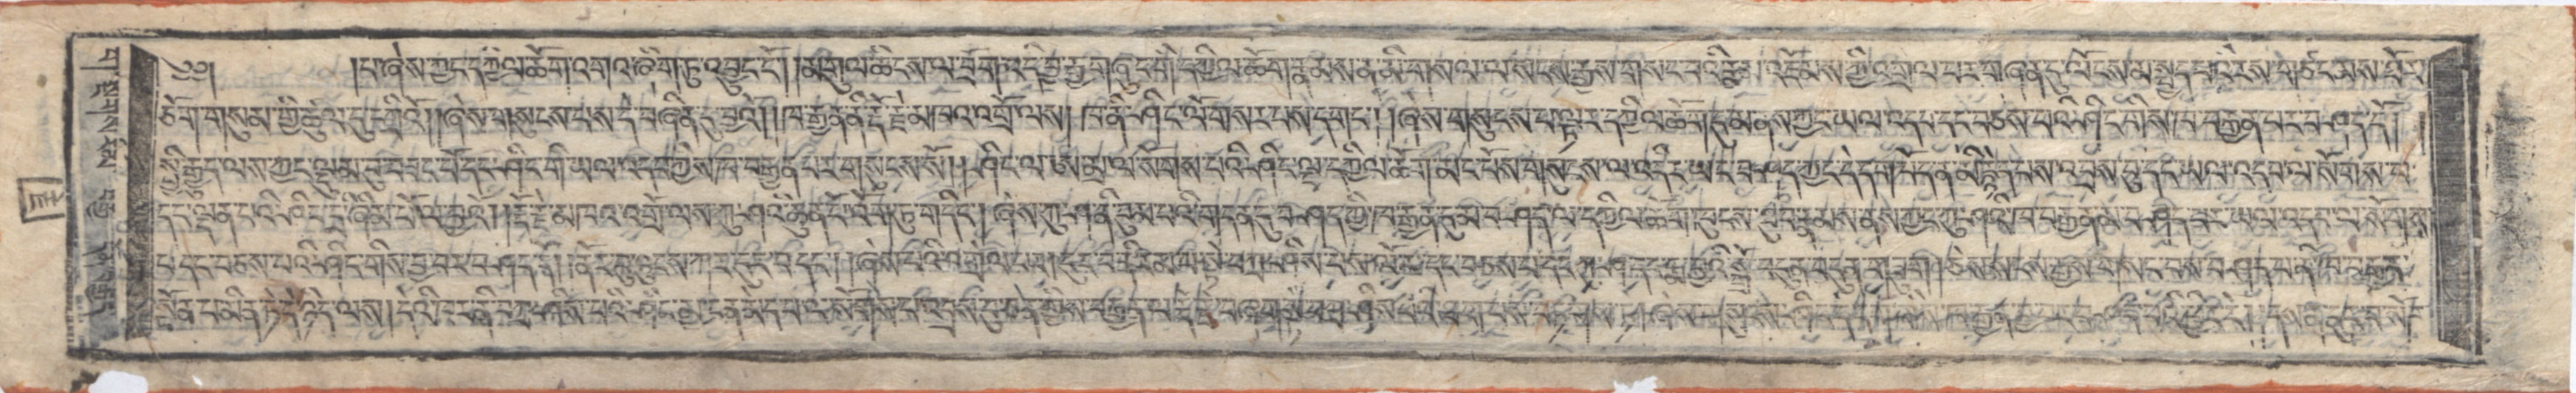༄༅། །པ་ཞེས་ཀྱང་དཀྱིལ་ཆོག་འགའ་ཞིག་ཏུ་འབྱུང་ངོ། །མགུལ་ཆིངས་ལ་བྲོག་འདི་བྱ་རྒྱ་གཞུང་གི་དཀྱིལ་ཆོག་རྣམས་ན་མི་གསལ་ལ་སངས་རྒྱས་གསང་བའི་རྣམ་འཇོམས་ཀྱི་འགྲལ་པར་གཞན་དུ་ལོངས་མ་སྤྱད་པའི་རས་གཙང་མས་ཐོར་
ཅོག་གསུམ་གྱི་ཚུལ་དུ་བཀྲིའོ། །ཞེས་གསུངས་པས་དེ་བཞིན་དུ་བྱའོ། །ཁ་རྒྱན་ནི་རྡོ་རྗེ་མཁའ་འགྲོ་ལས། ཁ་ནི་ཤིང་ལོ་གསར་པས་དགང་། །ཞེས་གསུངས་པ་ལྟར་དཀྱིལ་ཆོག་དུ་མ་ནས་ཀྱང་ཡལ་འདབ་དང་བཅས་པའི་ཤིང་གིས་ཁ་བརྒྱན་པར་བཤད་དོ། །
སྤྱི་རྒྱུད་ལས་ཀྱང་ལྡུམ་བུ་བཟང་པོ་དང་ཤིང་གི་ཡལ་འདབ་ཀྱིས་ཁ་བརྒྱན་པར་གསུངས་སོ། །ཤིང་ལ་ཨ་མྲ་ལ་སོགས་པའི་ཤིང་ལྔ་དཀྱིལ་ཆོག་མང་པོས་གསུངས་ལ་འདིར་ཡང་བཤད་ཀྱང་དེ་དག་པོད་ན་མི་རྙེད་པས་འབྲས་བུ་དང་ཡལ་འདབ་ལ་སོགས་པ་
དང་ལྡན་པའི་ཤིང་དྲི་ཞིམ་པོ་ལ་བྱའོ། །རྡོ་རྗེ་མཁའ་འགྲོ་ལས་ཀུ་ཤའི་ཆུན་པོ་འོག་ཏུ་གདིང་། ཞེས་ཀུན་ཤ་ནི་བུམ་པའི་གདན་དུ་བཤད་ཀྱི་ཁ་རྒྱན་དུ་མ་བཤད་ལ་དཀྱིལ་ཆོག་ཁུངས་ཐུབ་རྣམས་ནས་ཀྱང་ཀུ་ཤའི་ཁ་བརྒྱན་མ་བཤད་པར་ཡལ་འདབ་ལ་སོགས་
པ་དང་བཅས་པའི་ཤིང་གིས་བྱ་བར་བཤད་དོ། །ནོར་བུ་ཉུངས་ཀར་དུར་བ་དང་། །ཞེས་པའི་འགྲེལ་པར། དུར་བ་ནི་རམ་པ་སྟེ་བཀྲ་ཤིས་པས་ལོ་མ་དང་བཅས་པ་དང་ཀུ་ཤ་དང་རྨ་བྱའི་སྒྲོ་བདུན་བདུན་གཟུག །ཅེས་སངས་རྒྱས་གསང་བས་བཤད་པ་ནི་ཁ་བརྒྱན་
སྟོན་པ་མིན་ཏེ་དེ་ཉིད་ལས། དེའི་ཁར་ནི་བཀྲ་ཤིས་པའི་ཤིང་མྱ་ངན་མེད་པ་ལ་སོགས་པ་འབྲས་བུ་ཅན་གྱིས་བརྒྱན་ལ་རྡོ་རྗེ་བཞག་སྟེ་བཀྲ་ཤིས་པའི་ཐག་པས་བཏགས་ཏེ། ཞེས་གསུངས་ཤིང་དེ་དག་གིས་ཁ་རྒྱན་བྱ་བར་བཤད་པའི་ཕྱིར་རོ། །དས་ན་དུར་བ་སོགས་